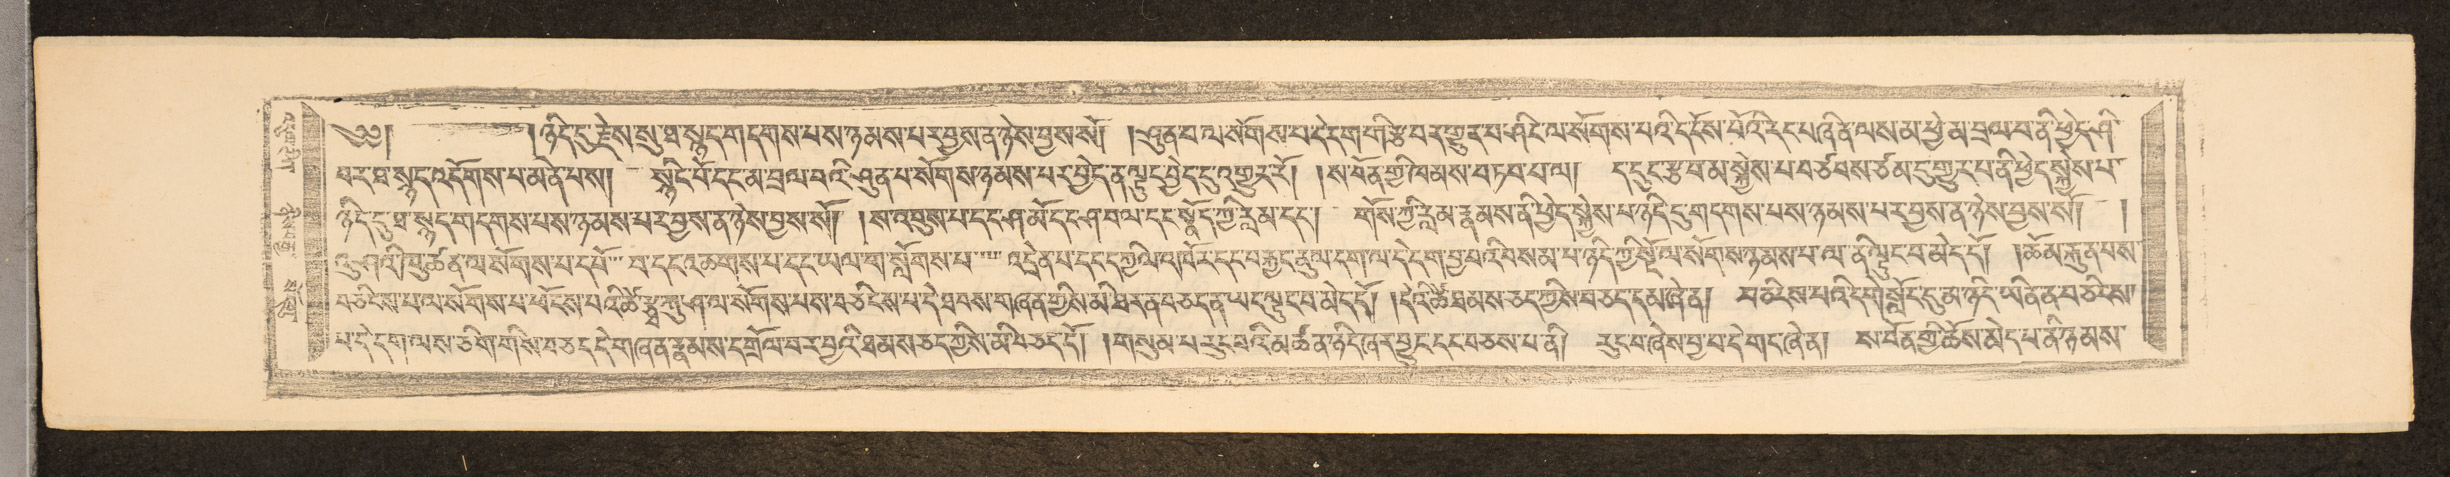༄༅། །ཉིད་དུ་རྗེས་སུ་ཐ་སྙད་གདགས་པས་ཉམས་པར་བྱས་ན་ཉེས་བྱས་སོ། །ཤུན་བ་ལ་སོགས་པ་དེ་དག་གི་རྩ་བར་གྱུར་བ་ཤིང་ལ་སོགས་བའི་དངོས་པོའི་རང་བཞིན་ལས་མ་ཕྱེ་མ་བྲལ་བ་ནི་ཕྱེད་ཤི་བ་
བར་ཐ་སྙད་འདོགས་པ་མིན་པས། སྙིང་པོ་དང་མ་བྲལ་བའི་ཤུན་པ་སོགས་ཉམས་པར་བྱེད་ན་ལྟུང་བྱེད་དུ་འགྱུར་རོ། །ས་བོན་གྱི་ཁམས་བཏབ་པ་ལ། ད་དུང་རྩ་བ་མ་སྐྱེས་པ་བཙབས་ཙམ་དུ་གྱུར་པ་ནི་ཕྱེད་སྐྱེས་པ་
ཉིད་དུ་ཐ་སྙད་གདགས་པས་ཉམས་པར་བྱས་ན་ཉེས་བྱས་སོ། །ས་འབུས་པ་དང་ཤ་མོ་དང་ཤ་བལ་དང་སྣོད་ཀྱི་རླམ་དང་། གོས་ཀྱི་རླམ་རྣམས་ནི་ཕྱེད་སྐྱེས་པ་ཉིད་དུ་གདགས་པས་ཉམས་པར་བྱས་ན་ཉེས་བྱས་སོ། །
འུ་ཤའི་ཁུ་ཚན་ལ་སོགས་བ་ད་བ་དང་འཆགས་པ་དང་ཡལ་ག་སློགས་པ་འདྲེན་པ་དང་དཀྱིལ་འཁོར་དང་བརྐྱང་ནུལ་དག་ལ་དེ་དག་བྱ་བའི་བསམ་པ་ཉིད་ཀྱི་སྔོ་ལ་སོགས་ཉམས་པ་ལ་ནི་ལྟུང་བ་མེད་དོ། །ཆོམ་རྐུན་པས་
བཅིངས་པ་ལ་སོགས་པ་ཕོངས་པའི་ཚ་རྩྭ་ཀུ་ཤ་ལ་སོགས་བས་བཅིངས་པ་དེ་ཐབས་གཞན་གྱིས་མི་ཐར་ན་བཅད་ན་ཡང་ལྟུང་བ་མེད་དོ། །དེའི་ཚེ་ཐམས་ཅད་ཀྱིས་བཅད་དམ་ཞེ་ན། བཅིངས་པའི་དགེ་སློང་དུ་མ་ཉིད་ཡིན་ན་བཅིངས་
པ་དེ་དག་ལས་ཅིག་གིས་བཅད་དེ་གཞན་རྣམས་དགྲོལ་བར་བྱའི་ཐམས་ཅད་ཀྱིས་མི་བཅད་དོ། །གསུམ་པ་རུང་བའི་མཚན་ཉིད་ཞར་བྱུང་དང་བཅས་པ་ནི། རུང་བ་ཞེས་བྱ་བ་དེ་གང་ཞེ་ན། ས་བོན་གྱི་ཆོས་མེད་པ་ནི་ཉམས་